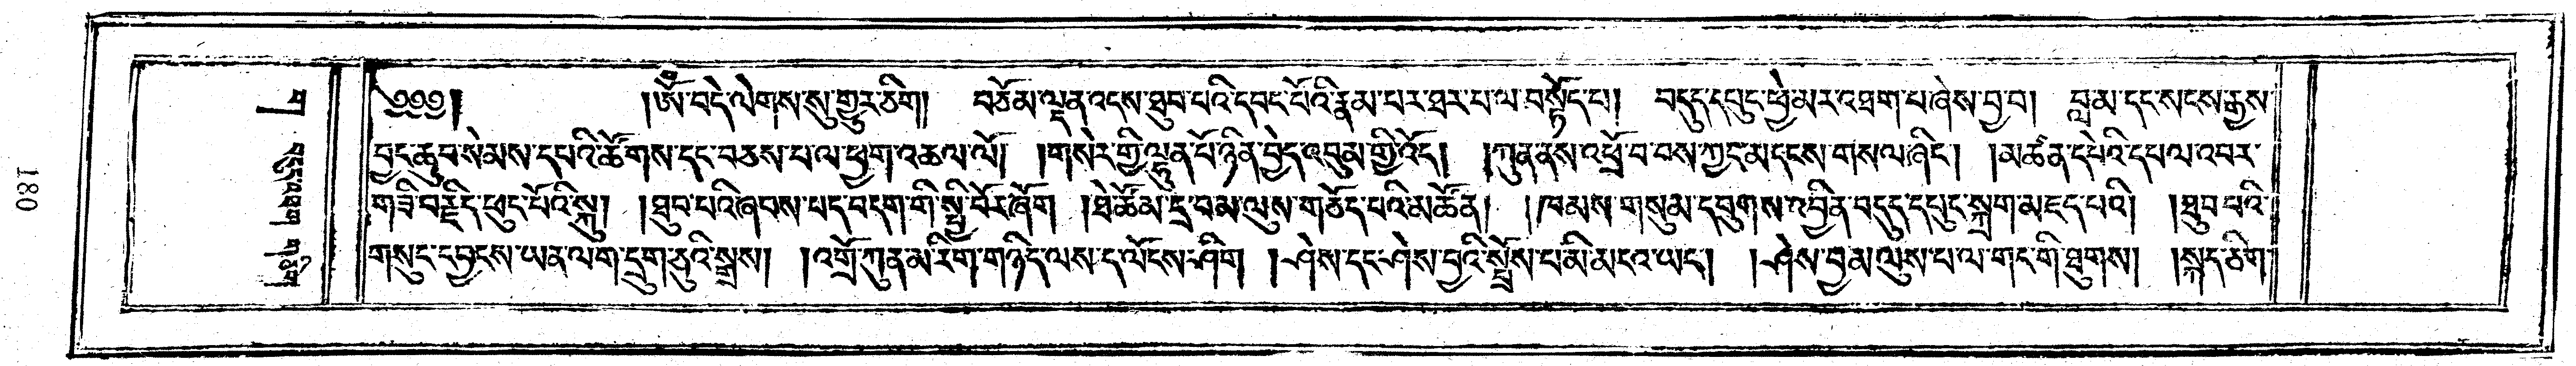༄༅༅། །ཨོཾ་བདེ་ལེགས་སུ་གྱུར་ཅིག། བཅོམ་ལྡན་འདས་ཐུབ་པའི་དབང་པོའི་རྣམ་པར་ཐར་པ་ལ་བསྟོད་པ། བདུད་དཔུང་ཕྱེ་མར་འཐག་པ་ཞེས་བྱ་བ། བླ་མ་དང་སངས་རྒྱས་
བྱང་ཆུབ་སེམས་དཔའི་ཚོགས་དང་བཅས་པ་ལ་ཕྱག་འཆལ་ལོ། །གསེར་གྱི་ལྷུན་པོ་ཉིན་བྱེད་འབུམ་གྱི་འོད། །ཀུན་ནས་འཕྲོ་བ་བས་ཀྱང་མདངས་གསལ་ཞིང་། །མཚན་དཔེའི་དཔལ་འབར་
གཟི་བརྗིད་ཕུང་པོའི་སྐུ། །ཐུབ་པའི་ཞབས་པད་བདག་གི་སྤྱི་བོར་ཞོག །ཐེ་ཚོམ་དྲ་བ་མ་ལུས་གཅོད་པའི་མཚོན། །ཁམས་གསུམ་དབུགས་འབྱིན་བདུད་དཔུང་སྐྲག་མཇད་པའི། །ཐུབ་པའི་
གསུང་དབྱངས་ཡན་ལག་དྲུག་ཅུའི་སྒྲས། །འགྲོ་ཀུན་མ་རིག་གཉིད་ལས་ད་ལོངས་ཤིག །ཤེས་དང་ཤེས་བྱའི་སྤྲོས་པ་མི་མངའ་ཡང་། །ཤེས་བྱ་མ་ལུས་པ་ལ་གང་གི་ཐུགས། །སྐད་ཅིག་